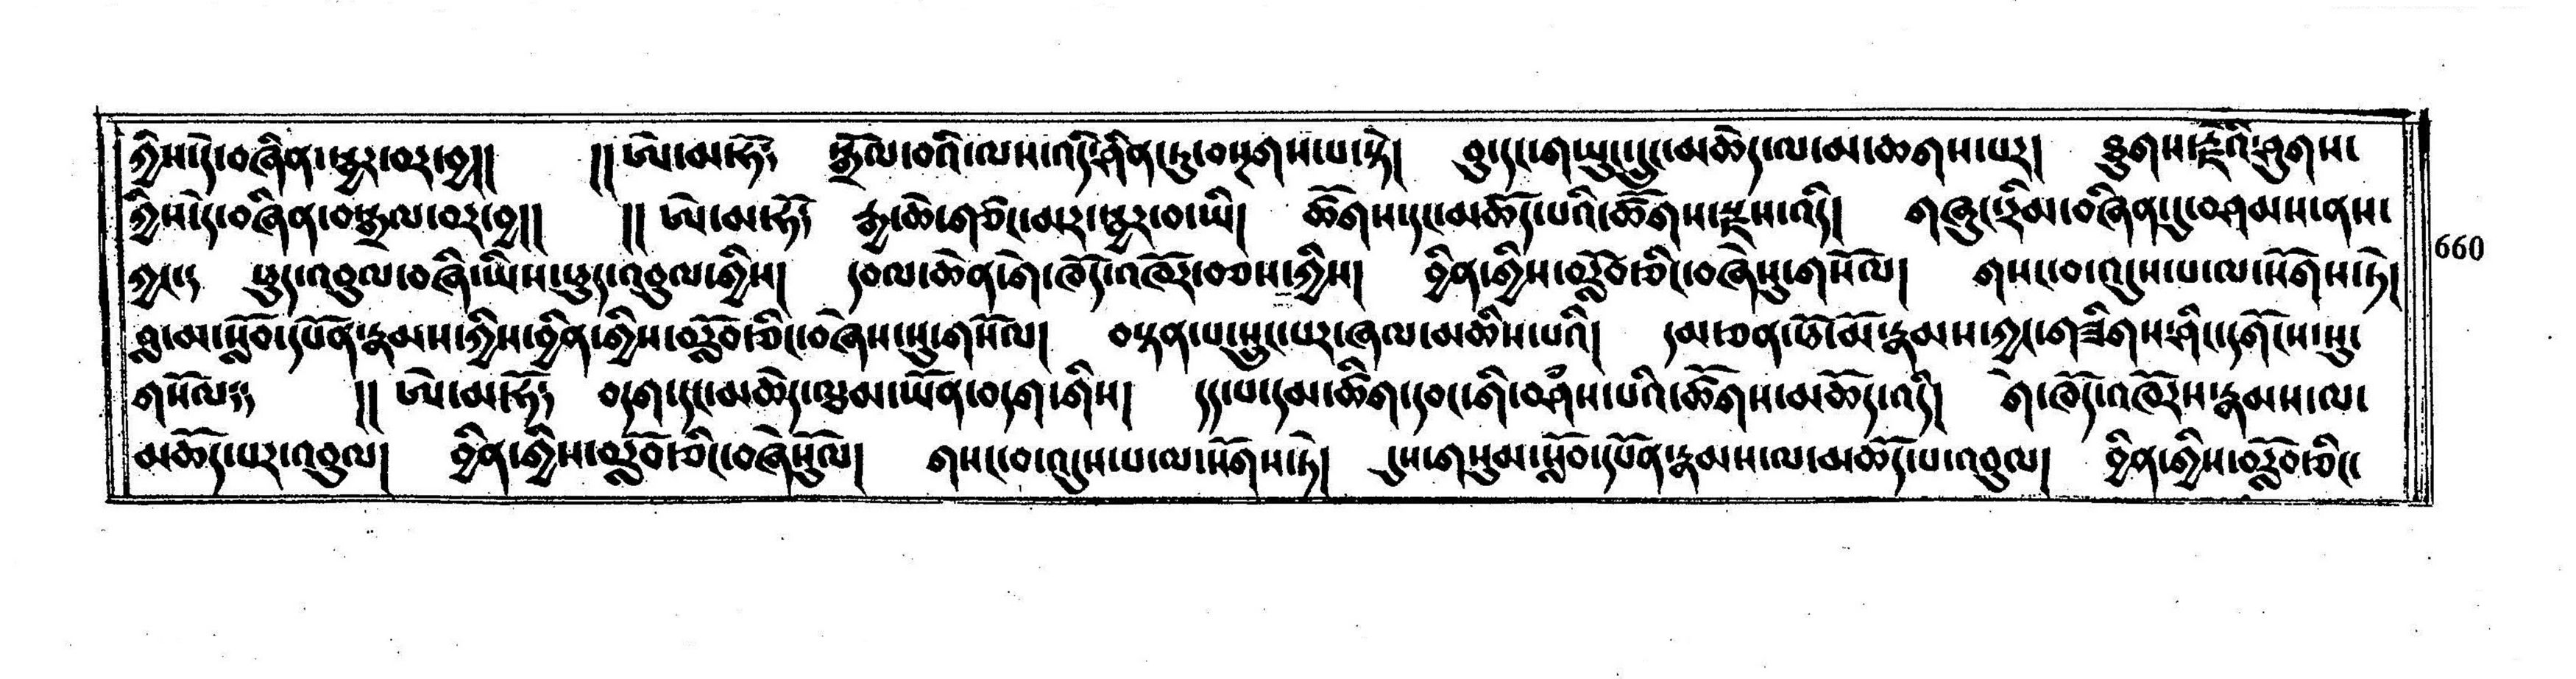ཀྱིས་དེ་བཞིན་སྦྱར་བར་བྱ།། །།ཨེ་མ་ཧོ སྒྲོལ་བའི་ལས་འདི་ཤིན་ཏུ་བསྔགས་པ་སྟེ། བུ་དང་གཡུང་དྲུང་མཆེད་ལ་མ་ཆགས་པར། ཐུགས་རྗེའི་ཤུགས་
ཀྱིས་དེ་བཞིན་བསྒྲལ་བར་བྱ།། །།ཨེ་མ་ཧོ རྒྱ་ཆེ་གཙང་མར་སྦྱར་བ་ཡི། ཚོགས་དང་མཆོད་པའི་ཚོགས་རྫས་འདི། གཞུང་རིམ་བཞིན་དུ་བཤམས་ནས་
ཀྱང་། ཕུད་འབུལ་བཞི་ཡིས་ཕུད་འབུལ་གྱིས། དབལ་ཆེན་གེ་ཁོད་འཁོར་བཅས་ཀྱིས། བྱིན་གྱིས་བརློབ་ཅིང་བཞེས་སུ་གསོལ། གསང་བ་འདུས་པ་ལ་སོགས་ཏེ། 
བླ་མ་སློབ་དཔོན་རྣམས་ཀྱིས་བྱིན་གྱིས་བརློབ་ཅིང་བཞེས་སུ་གསོལ། བསྟན་པ་སྲུང་པར་ཞལ་མཆིས་པའི། དམ་ཅན་ཕོ་མོ་རྣམས་ཀྱང་གཟིགས་ཤིང་དགོངས་སུ་
གསོལ།། །།ཨེ་མ་ཧོ བདག་དང་མཆེད་ལྕམ་ཡོན་བདག་གིས། དད་པ་དམ་ཚིག་དབང་གི་བཤམས་པའི་ཚོགས་མཆོད་འདི། གེ་ཁོད་འཁོར་བཅས་རྣམས་ལ་
མཆོད་པར་འབུལ། བྱིན་གྱིས་བརློབ་ཅིང་བཞེས་སུ་གསོལ། གསང་བ་འདུས་པ་ལ་སོགས་ཏེ། དུས་གསུམ་སློབ་དཔོན་རྣམས་ལ་མཆོད་པ་འབུལ། བྱིན་གྱིས་བརློབ་ཅིང་